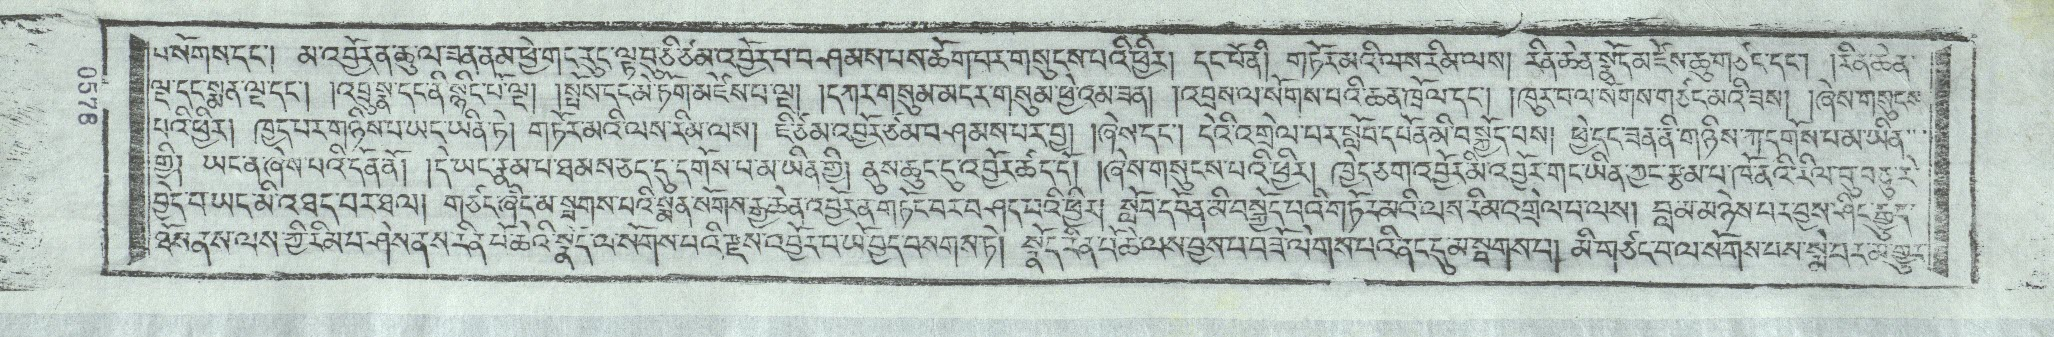པ་སོགས་དང་། མ་འབྱོར་ན་ཆུ་ལ་ཟན་ནམ་ཕྱེ་གང་རུང་ལྟ་བུ་ཅི་ཙམ་འབྱོར་པ་བཤམས་པས་ཆོག་པར་གསུངས་པའི་ཕྱིར། དང་པོ་ནི། གཏོར་མའི་ལས་རིམ་ལས། རིན་ཆེན་སྣོད་མཛེས་ཆུ་གཙང་དང་། །རིན་ཆེན་
ལྔ་དང་སྨན་ལྔ་དང་། །འབྲུ་སྣ་དང་ནི་སྙིང་པོ་ལྔ། །སྤོས་དང་མེ་ཏོག་མཛེས་པ་ལྔ། །དཀར་གསུམ་མངར་གསུམ་ཕྱེ་འམ་ཟན། །འབྲས་ལ་སོགས་པའི་ཆན་ཁྲོལ་དང་། །ཁུར་བ་ལ་སོགས་གཙང་མའི་ཟས། །ཞེས་གསུངས་
པའི་ཕྱིར། ཁྱད་པར་གཉིས་པ་ཡང་ཡིན་ཏེ། གཏོར་མའི་ལས་རིམ་ལས། ཇི་ཙམ་འབྱོར་ཙམ་བཤམས་པར་བྱ། །ཞེས་དང་། དེའི་འགྲེལ་པར་སློབ་དཔོན་མི་བསྐྱོད་པས། ཕྱེ་དང་ཟན་ནི་གཉིས་ཀ་དགོས་པ་མ་ཡིན་
གྱི༑ ཡང་ན་ཞེས་པའི་དོན་ནོ། །དེ་ཡང་རྣམ་པ་ཐམས་ཅད་དུ་དགོས་པ་མ་ཡིན་གྱི། ནུས་ཆུང་དུ་འབྱོར་ཚད་དོ། །ཞེས་གསུངས་པའི་ཕྱིར། ཁྱེད་ཅག་འབྱོར་མི་འབྱོར་གང་ཡིན་ཀྱང་རྩམ་པ་ཁོ་ནའི་རིལ་བུ་བཅུ་རི་
བྱེད་པ་ཡང་མི་འཐད་པར་ཐལ། གཙང་ཞིང་མ་སྦགས་པའི་སྨོན་སོགས་རྒྱ་ཆེན་འབྱོར་ན་གཏོང་བར་བཤད་པའི་ཕྱིར། སློབ་དཔོན་མི་བསྐྱོད་པའི་གཏོར་མའི་ལས་རིམ་འགྲེལ་པ་ལས། བླ་མ་མཉེས་པར་བྱས་ཤིང་རྒྱུད་
ཐོས་ནས་ལས་ཀྱི་རིམ་པ་ཤེས་ནས་རིན་པོ་ཆེའི་སྣོད་ལ་སོགས་པའི་རྫས་འབྱོར་པ་ཡོ་བྱད་བསགས་ཏེ། སྣོད་རིན་པོ་ཆེ་ལས་བྱས་པ་བཟོ་ལེགས་པའི་ནང་དུ་མ་སྦགས་པ། མི་གཙང་བ་ལ་སོགས་པས་སྨེ་བར་མ་གྱུར་